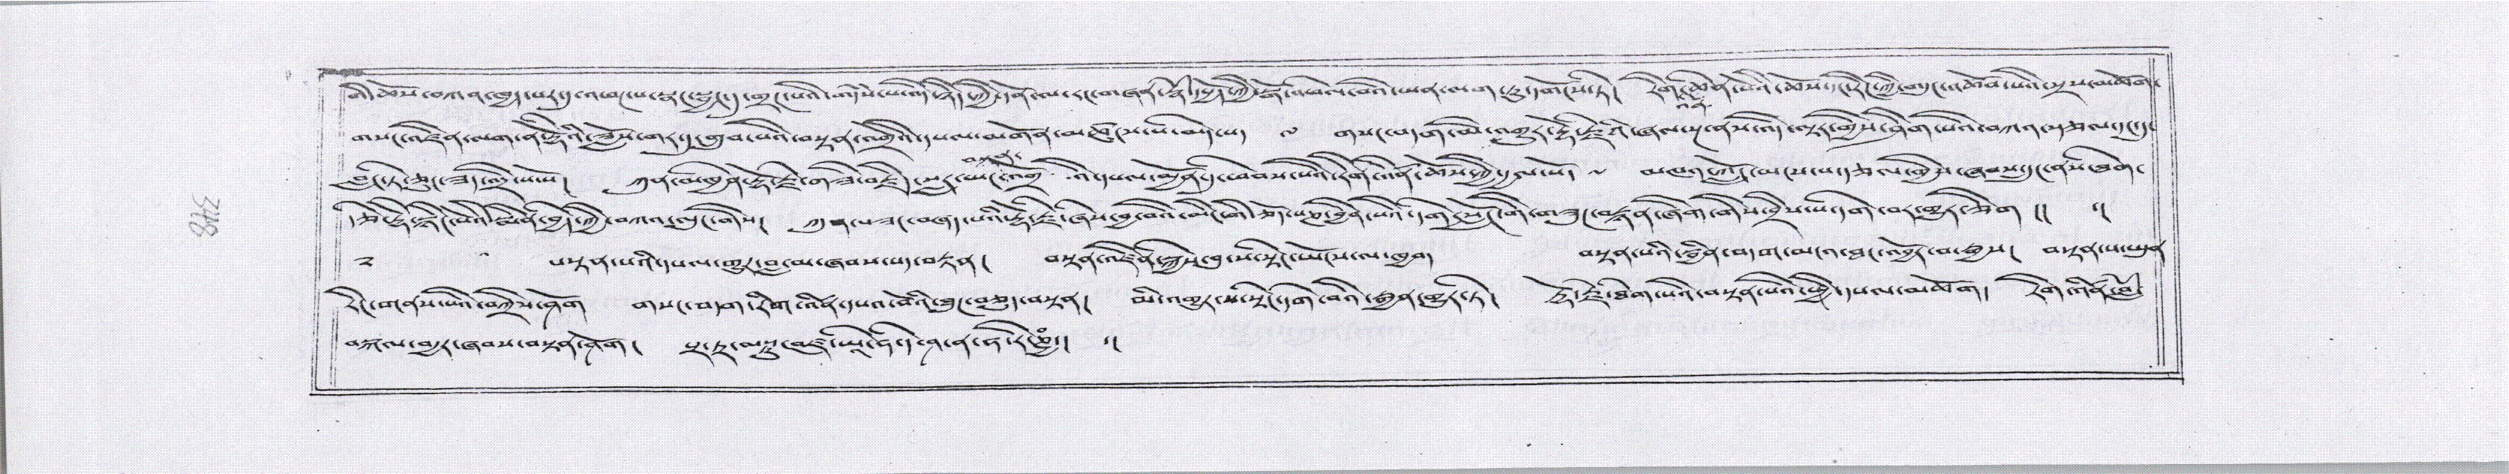གི་ཆོས་བཀན་ཁྱད་པར་དུ་འཕགས་པ་སྣང་སྦྱང་དུ་གྲགས་པའི་གདམས་པ་འདི་ཉིད་ཀྱི་དོན་ལ་རང་གཞན་རྣམ་དཔྱོད་ཀྱི་སྒོ་འཕེལ་བའི་ཡན་ལག་ཏུ་དགོངས་ཏེ། རིག་འཛིན་ཆེན་པོའི་ཆོས་དང་རིགས་ཀྱི་གདུང་འཚོབ་པའི་སྲས་མཆོག་
གསང་འཛིན་ལག་ན་རྡོ་རྗེའི་ཟློས་གར་དུ་གྲུབ་པའི་བསྟན་འགྲོའི་དཔལ་མགོན་མཚུངས་པ་མེད་པ། ༧ གསང་བདག་མི་འགྱུར་རྡོ་རྗེའི་ཞལ་སྔ་ནས་འདི་ལྟར་གྱིས་ཤིག་པའི་བཀའ་སྩལ་དང་དུ་
བླང་ཏེ་ཅུང་ཟད་བྲིས་པ་པོ། ཀུན་མཁྱེན་རྡོ་རྗེ་གཟི་བརྗིད་སླར་བསྟན་ཡང་འགྲོ་བའི་དཔལ་མགོན་དུ་ཕེབས་པའི་རིག་འཛིན་ཆོས་ཀྱི་རྒྱལ་པོ། ༧ མཁའ་ཀློང་ཡངས་པ་རྩལ་གྱིས་ཞབས་དྲུང་ནས་ཐེག་
རྩེ་རྡོ་རྗེ་སྙིང་པོའི་སྨིན་བྱེད་ཀྱི་བཀའ་ལུང་གིས། ཀུན་བཟང་བཞད་པའི་རྡོ་རྗེ་ཞེས་བྱ་བའི་མིང་གི་ཅོད་པཎ་བྱིན་པའི་དགེ་སློང་གི་གཟུགས་བརྙན་ཞིག་གིས་བྲིས་པ་དགེ་བར་གྱུར་ཅིག།། ༧ 
བསྟན་པའི་དཔལ་གྱུར་བླ་མ་ཞབས་པད་བརྟན། བསྟན་འཛིན་སྐྱེས་བུ་ས་སྟེང་ཡོངས་ལ་ཁྱབ། བསྟན་པའི་སྦྱིན་བདག་མངའ་ཐང་འབྱོར་བ་རྒྱས། བསྟན་པ་ཡུན་
རིང་གནས་པའི་བཀྲ་ཤིས་ཤོག གསང་བདག་རིག་འཛིན་དཔའ་བོའི་ཐུགས་བཅུད་བསྟན། མི་འགྱུར་ས་སྟེང་དགེ་བའི་རྒྱན་གྱུར་ཏེ། རྡོ་རྗེ་ཐེག་པའི་བསྟན་པའི་སྤྱི་དཔལ་མཆོག རིག་འཛིན་བླ་མ་
བསྐལ་བརྒྱར་ཞབས་བསྟན་ཤོག པྲ་ཏྲ་ཡསྟུ་བཛྲ་ཨཱེ་ཧ་དེ་ཤ་ན་ཧ་རི་ཎྱཾ།།